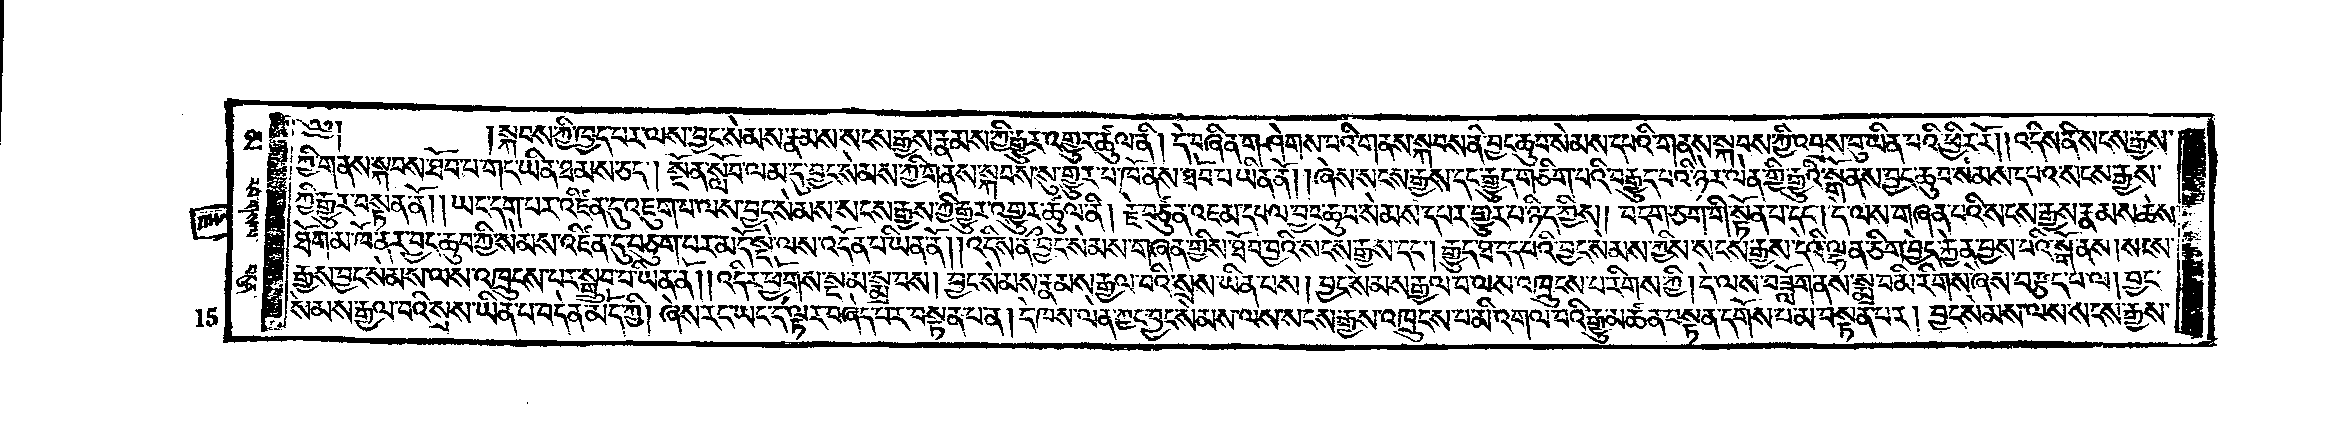༄༅། །སྐབས་ཀྱི་ཁྱད་པར་ལས་བྱང་སེམས་རྣམས་སངས་རྒྱས་རྣམས་ཀྱི་རྒྱུར་འགྱུར་ཚུལ་ནི། དེ་བཞིན་གཤེགས་པའི་གནས་སྐབས་ནི་བྱང་ཆུབ་སེམས་དཔའི་གནས་སྐབས་ཀྱི་འབྲས་བུ་ཡིན་པའི་ཕྱིར་རོ། །འདིས་ནི་སངས་རྒྱས་
ཀྱི་གནས་སྐབས་ཐོབ་པ་གང་ཡིན་ཐམས་ཅད། སྔོན་སློབ་ལམ་དུ་བྱང་སེམས་ཀྱི་གནས་སྐབས་སུ་གྱུར་པ་ཁོ་ནས་ཐོབ་པ་ཡིན་ནོ། །ཞེས་སངས་རྒྱས་དང་རྒྱུད་གཅིག་པའི་བརྒྱུད་པའི་ཉེར་ལེན་གྱི་རྒྱུའི་སྒོ་ནས་བྱང་ཆུབ་སེམས་དཔའ་སངས་རྒྱས་
ཀྱི་རྒྱུར་བསྟན་ནོ། །ཡང་དག་པར་འཛིན་དུ་འཇུག་པ་ལས་བྱང་སེམས་སངས་རྒྱས་ཀྱི་རྒྱུར་འགྱུར་ཚུལ་ནི། རྗེ་བཙུན་འཇམ་དཔལ་བྱང་ཆུབ་སེམས་དཔར་གྱུར་པ་ཉིད་ཀྱིས། བདག་ཅག་གི་སྟོན་པ་དང་། དེ་ལས་གཞན་པའི་སངས་རྒྱས་རྣམས་ཆེས་
ཐོག་མ་ཁོ་ནར་བྱང་ཆུབ་ཀྱི་སེམས་འཛིན་དུ་བཅུག་པར་མདོ་སྡེ་ལས་འདོན་པ་ཡིན་ནོ། །འདིས་ནི་བྱང་སེམས་གཞན་གྱིས་ཐོབ་བྱའི་སངས་རྒྱས་དང་། རྒྱུད་ཐ་དད་པའི་བྱང་སེམས་ཀྱིས་སངས་རྒྱས་དེའི་ལྷན་ཅིག་བྱེད་རྐྱེན་བྱས་པའི་སྒོ་ནས། སངས་
རྒྱས་བྱང་སེམས་ལས་འཁྲུངས་པར་སྒྲུབ་པ་ཡིན་ནོ། །འདིར་ཕྱོགས་སྔ་མ་སྨྲ་བས། བྱང་སེམས་རྣམས་རྒྱལ་བའི་སྲས་ཡིན་པས། བྱང་སེམས་རྒྱལ་བ་ལས་འཁྲུངས་པ་རིགས་ཀྱི། དེ་ལས་བཟློག་ནས་སྨྲ་བ་མི་རིགས་ཞེས་བརྩད་པ་ལ། བྱང་
སེམས་རྒྱལ་བའི་སྲས་ཡིན་པ་བདེན་མོད་ཀྱི། ཞེས་རང་ཡང་དེ་ལྟར་བཞེད་པར་བསྟན་པ་ན། དེ་ཁས་ལེན་ཀྱང་བྱང་སེམས་ལས་སངས་རྒྱས་འཁྲུངས་པ་མི་འགལ་བའི་རྒྱུ་མཚན་བསྟན་དགོས་པ་མ་བསྟན་པར། བྱང་སེམས་ལས་སངས་རྒྱས་